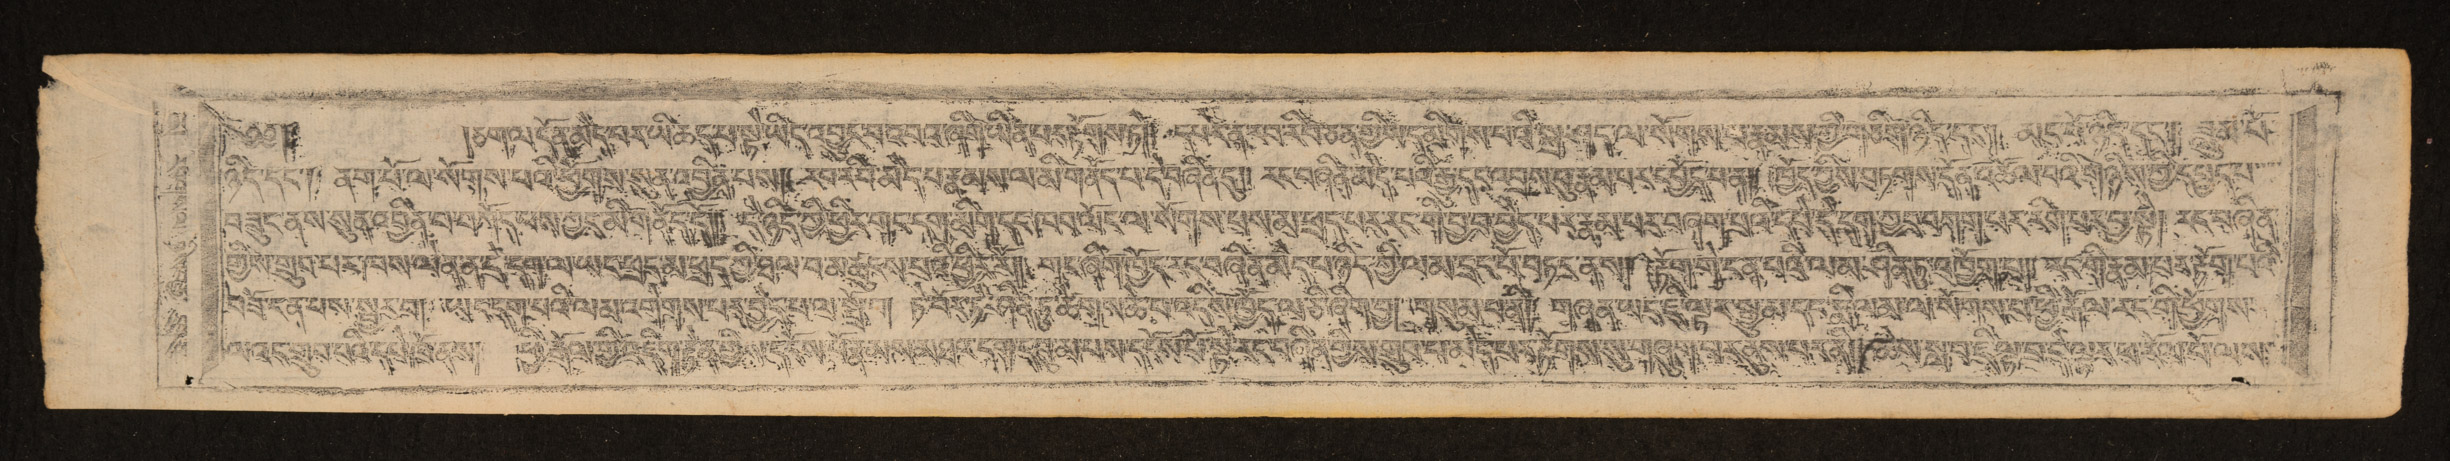༄༅། །ཅག་ལ་དོན་མེད་པར་ཡི་ཆད་པ་སྟེ་ཡིད་འབྱུང་བ་འབའ་ཞིག་ཡིན་པར་རྟོགས་ཏེ། དཔེར་ན་རབ་རིབ་ཅན་གྱིས་དམིགས་པའི་སྐྲ་ཤད་ལ་སོགས་པ་རྣམས་ཀྱི་གཅིག་ཉིད་དང་། མང་པོ་ཉིད་དང་། ཟླུམ་པོ་
ཉིད་དང་། ནག་པོ་ལ་སོགས་པའི་ཕྱོགས་སུན་འབྱིན་པས། རབ་རིབ་མེད་པ་རྣམས་ལ་མི་གནོད་པ་དེ་བཞིན་དུ། རང་བཞིན་མེད་པའི་རྒྱུ་དང་འབྲས་བུ་རྣམ་པར་དཔྱོད་པ་ན། ཁྱོད་ཀྱིས་བཏགས་དོན་འཚོལ་བའི་གཉིས་ཀྱི་དཔྱད་པ་
བཟུང་ནས་སུན་འབྱིན་པ་བཀོད་པས་ཀྱང་མི་གནོད་དོ།། དེ་ཉིད་ཀྱི་ཕྱིར་གང་དག་མིག་དང་ཁབ་ལོང་ལ་སོགས་པས་མ་ཕྲད་པར་རང་གི་བྱ་བ་བྱེད་པར་རྣམ་པར་བཞག་པའི་དཔེ་དེ་དག་ཀྱང་བཀག་པར་རིག་པར་བྱ་སྟེ། རང་བཞིན་
གྱིས་གྲུབ་པར་ཁས་ལེན་ན་དེ་དག་ལ་ཡང་ཕྲད་མ་ཕྲད་ཀྱི་ཐལ་བ་མཚུངས་པའི་ཕྱིར་རོ།། གང་ཞིག་ཁྱོད་རང་བཞིན་མེད་པ་ཉིད་ཀྱི་ལམ་དྲང་པོ་བཏང་ནས། རྟོག་གེ་ངན་པའི་ལམ་ཤིན་ཏུ་འཁྱོག་པ། རང་གི་རྣམ་པར་རྟོག་པའི་
བཟོ་ངན་པས་སྦྱར་བ། ཡང་དག་པའི་ལམ་འགེགས་པར་བྱེད་པ་ལ་སྤྲོ་བ། ཏེ་བོར་ཏེ་ཤིན་ཏུ་ཚོགས་ཆེ་བ་འདིས་ཁྱོད་ལ་ཅི་ཞིག་བྱ། གསུམ་པ་ནི། གཞན་ཡང་ཇི་ལྟར་སྒྱུ་མ་དང་རྨི་ལམ་ལ་སོགས་པ་ཕྱིར་རྒོལ་རང་གི་ཕྱོགས་
ལའང་གྲུབ་པའི་དཔེ་ཁོ་ནས། ཕྱི་རྒོལ་གྱི་འཇིག་རྟེན་གྱིས་དངོས་པོ་རྣམས་མཐའ་དག་དབུ་མ་པས་དངོས་པོ་སྟེ་རང་བཞིན་གྱིས་གྲུབ་པ་མེད་པར་རྟོགས་སུ་གཞུག་པར་ནུས་པར་ནི། ཆེས་སླ་བ་ཇི་ལྟ་བ་དེ་ལྟར་ཕ་རོལ་པོ་ལས་